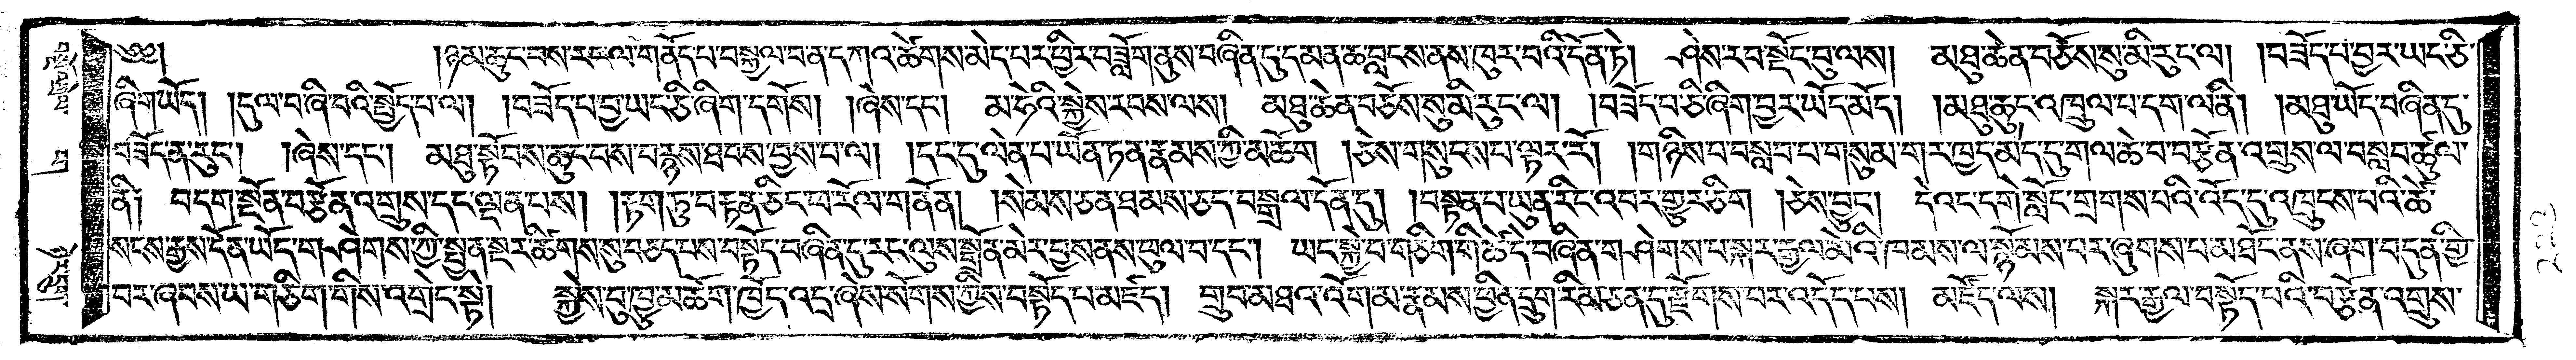༄༅། །ཉམ་ཆུང་པས་རང་ལ་གནོད་པ་བསྐྱལ་བ་ན་དཀའ་ཚེགས་མེད་བར་ཕྱིར་བཟློག་ནུས་བཞིན་དུ་དམན་ཆ་བླངས་ནས་ཁུར་བའི་དོན་ཏེ། ཤེས་རབ་སྡོང་བུ་ལས། མཐུ་ཆེན་བཅོས་སུ་མི་རླུང་ལ། །བཟོད་པ་བྱེད་ལོག་
ཞིག་ཡོད། །དུལ་བཞི་བའི་སྤྱོད་པ་ལ། །བཟོད་པ་བྱ་ཡང་ཅི་ཞིག་དགོས། །ཞེས་དང་། མ་ཧེའི་སྐྱེས་རབས་ལས། མཐུ་ཆེན་བཅོས་སུ་མི་རུང་ལ། །བཟོད་བ་ཅི་ཞིག་བྱར་ཡོད་མོད། །མཐུ་ཆུང་འཁྲུལ་པ་དག་ལ་ནི། །མཐུ་ཡིད་བཞིན་དུ་
བཟོད་ན་རུང་། །ཞེས་དང་། མཐུ་སྟོབས་ཆུར་བས་བརྙས་ཐབས་བྱས་པ་ལ། །དང་དུ་ལེན་པ་ཡོན་ཏན་རྣམས་ཀྱི་མཆོག །ཅེས་གསུངས་པ་ལྟར་རོ། །གཉིས་པ་བསླབ་གསུམ་གར་ཁྱད་མེད་དུ་གལ་ཆེ་བ་བརྩོན་འགྲུས་ལ་བསླབ་ཚུལ་
ནི༑ བདག་སྔོན་བརྩོན་འགྲུས་དང་ལྡན་པས། །རྟག་ཏུ་བརྟན་ཅིང་ཕ་རོལ་གནོན། །སེམས་ཅན་ཐམས་ཅད་བསྒྲལ་དོན་དུ། །བསྟན་པ་ཡུན་རིང་འབར་གྱུར་ཅིག །ཅེས་བྱུང་། དེའང་དགེ་སློང་གྲགས་པའི་འོད་དུ་འཁྲུངས་པའི་ཚེ་
སངས་རྒྱས་དོན་ཡོད་གཤེགས་ཀྱི་སྤྱན་སྔར་ཚིགས་སུ་བཅད་པས་བསྟོད་བཞིན་དུ་རང་ལུས་སྒྲོན་མེར་བྱས་ནས་ཕུལ་བ་དང་། ཡང་སྐྱེ་བ་གཅིག་གི་ཚེ་དེ་བཞིན་གཤེགས་པ་སྐར་རྒྱལ་མེའི་ཁམས་ལ་སྙོམས་པར་ཞུགས་པ་མཐོང་ནས་ཞག་བདུན་གྱི་
བར་ཞབས་ཡེ་གཅིག་གིས་འགྲེང་སྟེ། སྐྱེས་བུ་ཁྱུ་མཆོག་ཁྱོད་འདྲ་ཞེས་སོགས་ཀྱིས་བསྟོད་པ་མཛད། གྲུབ་མཐའ་འོག་མ་རྣམས་ཕྱིན་དྲུག་རིམ་ཅན་དུ་རྫོགས་པར་འདོད་པས། མཛོད་ལས། སྐར་རྒྱལ་བསྟོད་པའི་བརྩོན་འགྲུས་